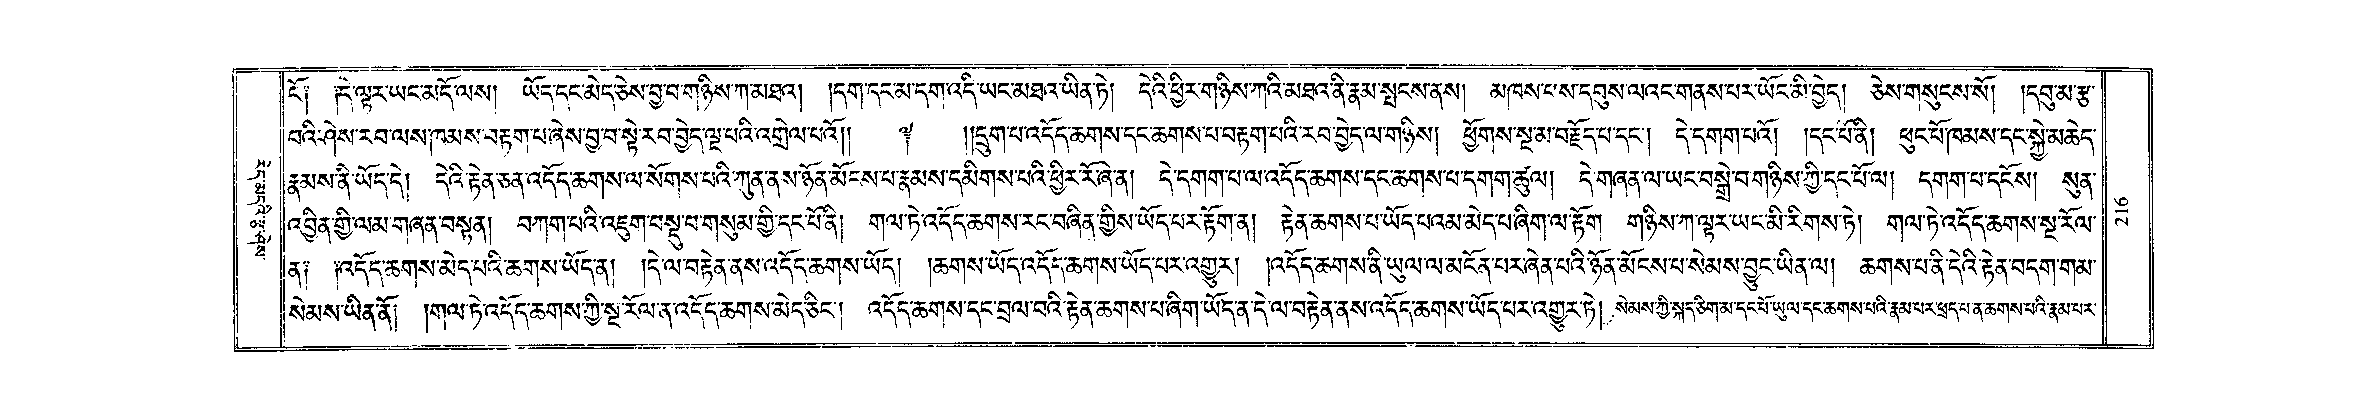ངོ༑ ༑དེ་ལྟར་ཡང་མདོ་ལས། ཡོད་དང་མེད་ཅེས་བྱ་བ་གཉིས་ཀ་མཐའ། །དག་དང་མ་དག་འདི་ཡང་མཐའ་ཡིན་ཏེ། དེའི་ཕྱིར་གཉིས་ཀའི་མཐའ་ནི་རྣམ་སྤངས་ནས། མཁས་པས་དབུས་ལའང་གནས་པར་ཡོང་མི་བྱེད། ཅེས་གསུངས་སོ། །དབུ་མ་རྩ་
བའི་ཤེས་རབ་ལས་ཁམས་བརྟག་པ་ཞེས་བྱ་བ་སྟེ་རབ་བྱེད་ལྔ་པའི་འགྲེལ་པའོ།། ༈ །།དྲུག་པ་འདོད་ཆགས་དང་ཆགས་པ་བརྟག་པའི་རབ་བྱེད་ལ་གཉིས། ཕྱོགས་སྔ་མ་བརྗོད་པ་དང་། དེ་དགག་པའོ། །དང་པོ་ནི། ཕུང་པོ་ཁམས་དང་སྐྱེ་མཆེད་
རྣམས་ནི་ཡོད་དེ། དེའི་རྟེན་ཅན་འདོད་ཆགས་ལ་སོགས་པའི་ཀུན་ནས་ཉོན་མོངས་པ་རྣམས་དམིགས་པའི་ཕྱིར་རོ་ཞེ་ན། དེ་དགག་པ་ལ་འདོད་ཆགས་དང་ཆགས་པ་དགག་ཚུལ། དེ་གཞན་ལ་ཡང་བསྒྲེ་བ་གཉིས་ཀྱི་དང་པོ་ལ། དགག་པ་དངོས། སུན་
འབྱིན་གྱི་ལམ་གཞན་བསྟན། བཀག་པའི་འཇུག་བསྡུ་པ་གསུམ་གྱི་དང་པོ་ནི། གལ་ཏེ་འདོད་ཆགས་རང་བཞིན་གྱིས་ཡོད་པར་རྟོག་ན། རྟེན་ཆགས་པ་ཡོད་པའམ་མེད་པ་ཞིག་ལ་རྟོག་གཉིས་ཀ་ལྟར་ཡང་མི་རིགས་ཏེ། གལ་ཏེ་འདོད་ཆགས་སྔ་རོལ་
ན༑ ༑འདོད་ཆགས་མེད་པའི་ཆགས་ཡོད་ན། །དེ་ལ་བརྟེན་ནས་འདོད་ཆགས་ཡོད། །ཆགས་ཡོད་འདོད་ཆགས་ཡོད་པར་འགྱུར། །འདོད་ཆགས་ནི་ཡུལ་ལ་མངོན་པར་ཞེན་པའི་ཉོན་མོངས་པ་སེམས་བྱུང་ཡིན་ལ། ཆགས་པ་ནི་དེའི་རྟེན་བདག་གམ་
སེམས་ཡིན་ནོ། །གལ་ཏེ་འདོད་ཆགས་ཀྱི་སྔ་རོལ་ན་འདོད་ཆགས་མེད་ཅིང་། འདོད་ཆགས་དང་བྲལ་བའི་རྟེན་ཆགས་པ་ཞིག་ཡོད་ན་དེ་ལ་བརྟེན་ནས་འདོད་ཆགས་ཡོད་པར་འགྱུར་ཏེ། སེམས་ཀྱི་སྐད་ཅིག་མ་དང་པོ་ཡུལ་དང་ཆགས་པའི་རྣམ་པར་ཕྲད་པ་ན་ཆགས་པའི་རྣམ་པར་